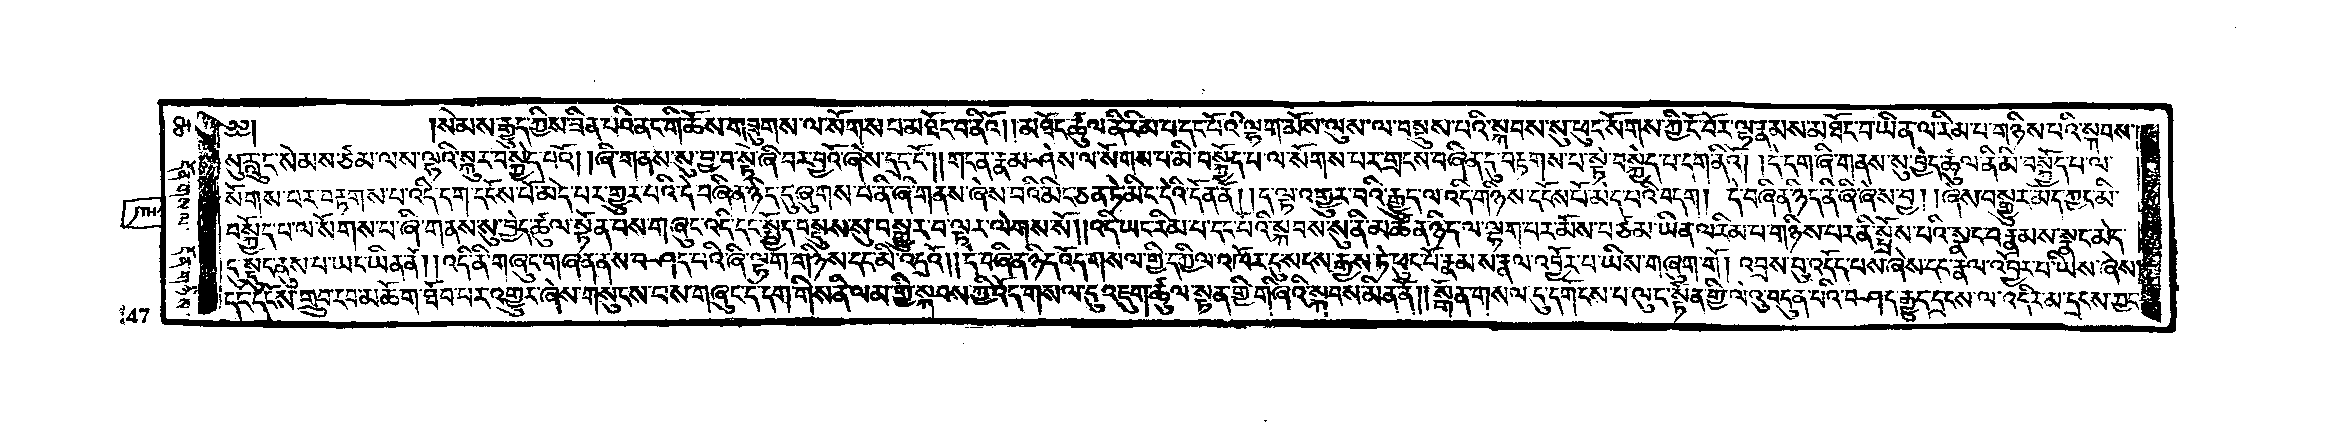༄༅། །སེམས་རྒྱུད་ཀྱིས་ཟིན་པའི་ནང་གི་ཆོས་གཟུགས་ལ་སོགས་པ་མཐོང་བ་ནིའོ། །མཐོང་ཚུལ་ནི་རིམ་པ་དང་པོའི་ལྷག་མོས་ལུས་ལ་བསྡུས་པའི་སྐབས་སུ་ཕུང་སོགས་ཀྱི་ངོ་བོར་ལྷ་རྣམས་མཐོང་བ་ཡིན་ལ་རིམ་པ་གཉིས་པའི་སྐབས་
སུ་རླུང་སེམས་ཙམ་ལས་ལྷའི་སྐུར་བསྐྱེད་པའོ། །ཞི་གནས་སུ་བྱ་བ་སྟེ་ཞི་བར་བྱའོ་ཞེས་དྲང་ངོ། །གང་ན་རྣམ་ཤེས་ལ་སོགས་པ་མི་བསྐྱོད་པ་ལ་སོགས་པར་གྲངས་བཞིན་དུ་བརྟགས་པ་སྟེ་བསྐྱེད་པ་དག་ནིའོ། །དེ་དག་ཞི་གནས་སུ་བྱེད་ཚུལ་ནི་མི་བསྐྱོད་པ་ལ་
སོགས་པར་བརྟགས་པ་འདི་དག་དངོས་པོ་མེད་པར་གྱུར་པའི་དེ་བཞིན་ཉིད་དུ་ཞུགས་པ་ནི་ཞི་གནས་ཞེས་པའི་མིང་ཅན་ཏེ་མིང་དེའི་དོན་ནོ། །ད་ལྟ་འགྱུར་བའི་རྒྱུད་ལ་འདི་གཉིས་དངོས་པོ་མེད་པའི་བདག །དེ་བཞིན་ཉིད་ནི་ཞི་ཞེས་བྱ། །ཞེས་བསྒྱུར་མོད་ཀྱང་མི་
བསྐྱོད་པ་ལ་སོགས་པ་ཞི་གནས་སུ་བྱེད་ཚུལ་སྟོན་པས་གཞུང་འདི་དང་སྤྱོད་བསྡུས་སུ་བསྒྱུར་བ་ལྟར་ལེགས་སོ། །འདི་ཡང་རིམ་པ་དང་པོའི་སྐབས་སུ་ནི་མཚན་ཉིད་ལ་ལྷག་པར་མོས་པ་ཙམ་ཡིན་ལ་རིམ་པ་གཉིས་པར་ནི་སྤྲོས་པའི་སྣང་བ་རྣམས་སྣང་མེད་
དུ་སྡུད་ནུས་པ་ཡང་ཡིན་ནོ། །འདི་ནི་གཞུང་གཞན་ནས་བཤད་པའི་ཞི་ལྷག་གཉིས་དང་མི་འདྲའོ། །དེ་བཞིན་ཉིད་འོད་གསལ་གྱི་དཀྱིལ་འཁོར་དུ་སངས་རྒྱས་ཏེ་ཕུང་པོ་རྣམས་རྣལ་འབྱོར་པ་ཡིས་གཞུག་གོ །འབྲས་བུ་འདོད་པས་ཞེས་དང་རྣལ་འབྱོར་པ་ཡིས་ཞེས་
དང་དངོས་གྲུབ་རབ་མཆོག་ཐོབ་པར་འགྱུར་ཞེས་གསུངས་པས་གཞུང་དེ་དག་གིས་ནི་ལམ་གྱི་སྐབས་ཀྱི་འོད་གསལ་དུ་འཇུག་ཚུལ་སྟན་གྱི་གཞིའི་སྐབས་མིན་ནོ། །སྒྲོན་གསལ་དུ་དགོངས་པ་ལུང་སྟོན་གྱི་ལེའུ་བདུན་པའི་བཤད་རྒྱུད་དྲངས་ལ་འདིར་མ་དྲངས་ཀྱང་